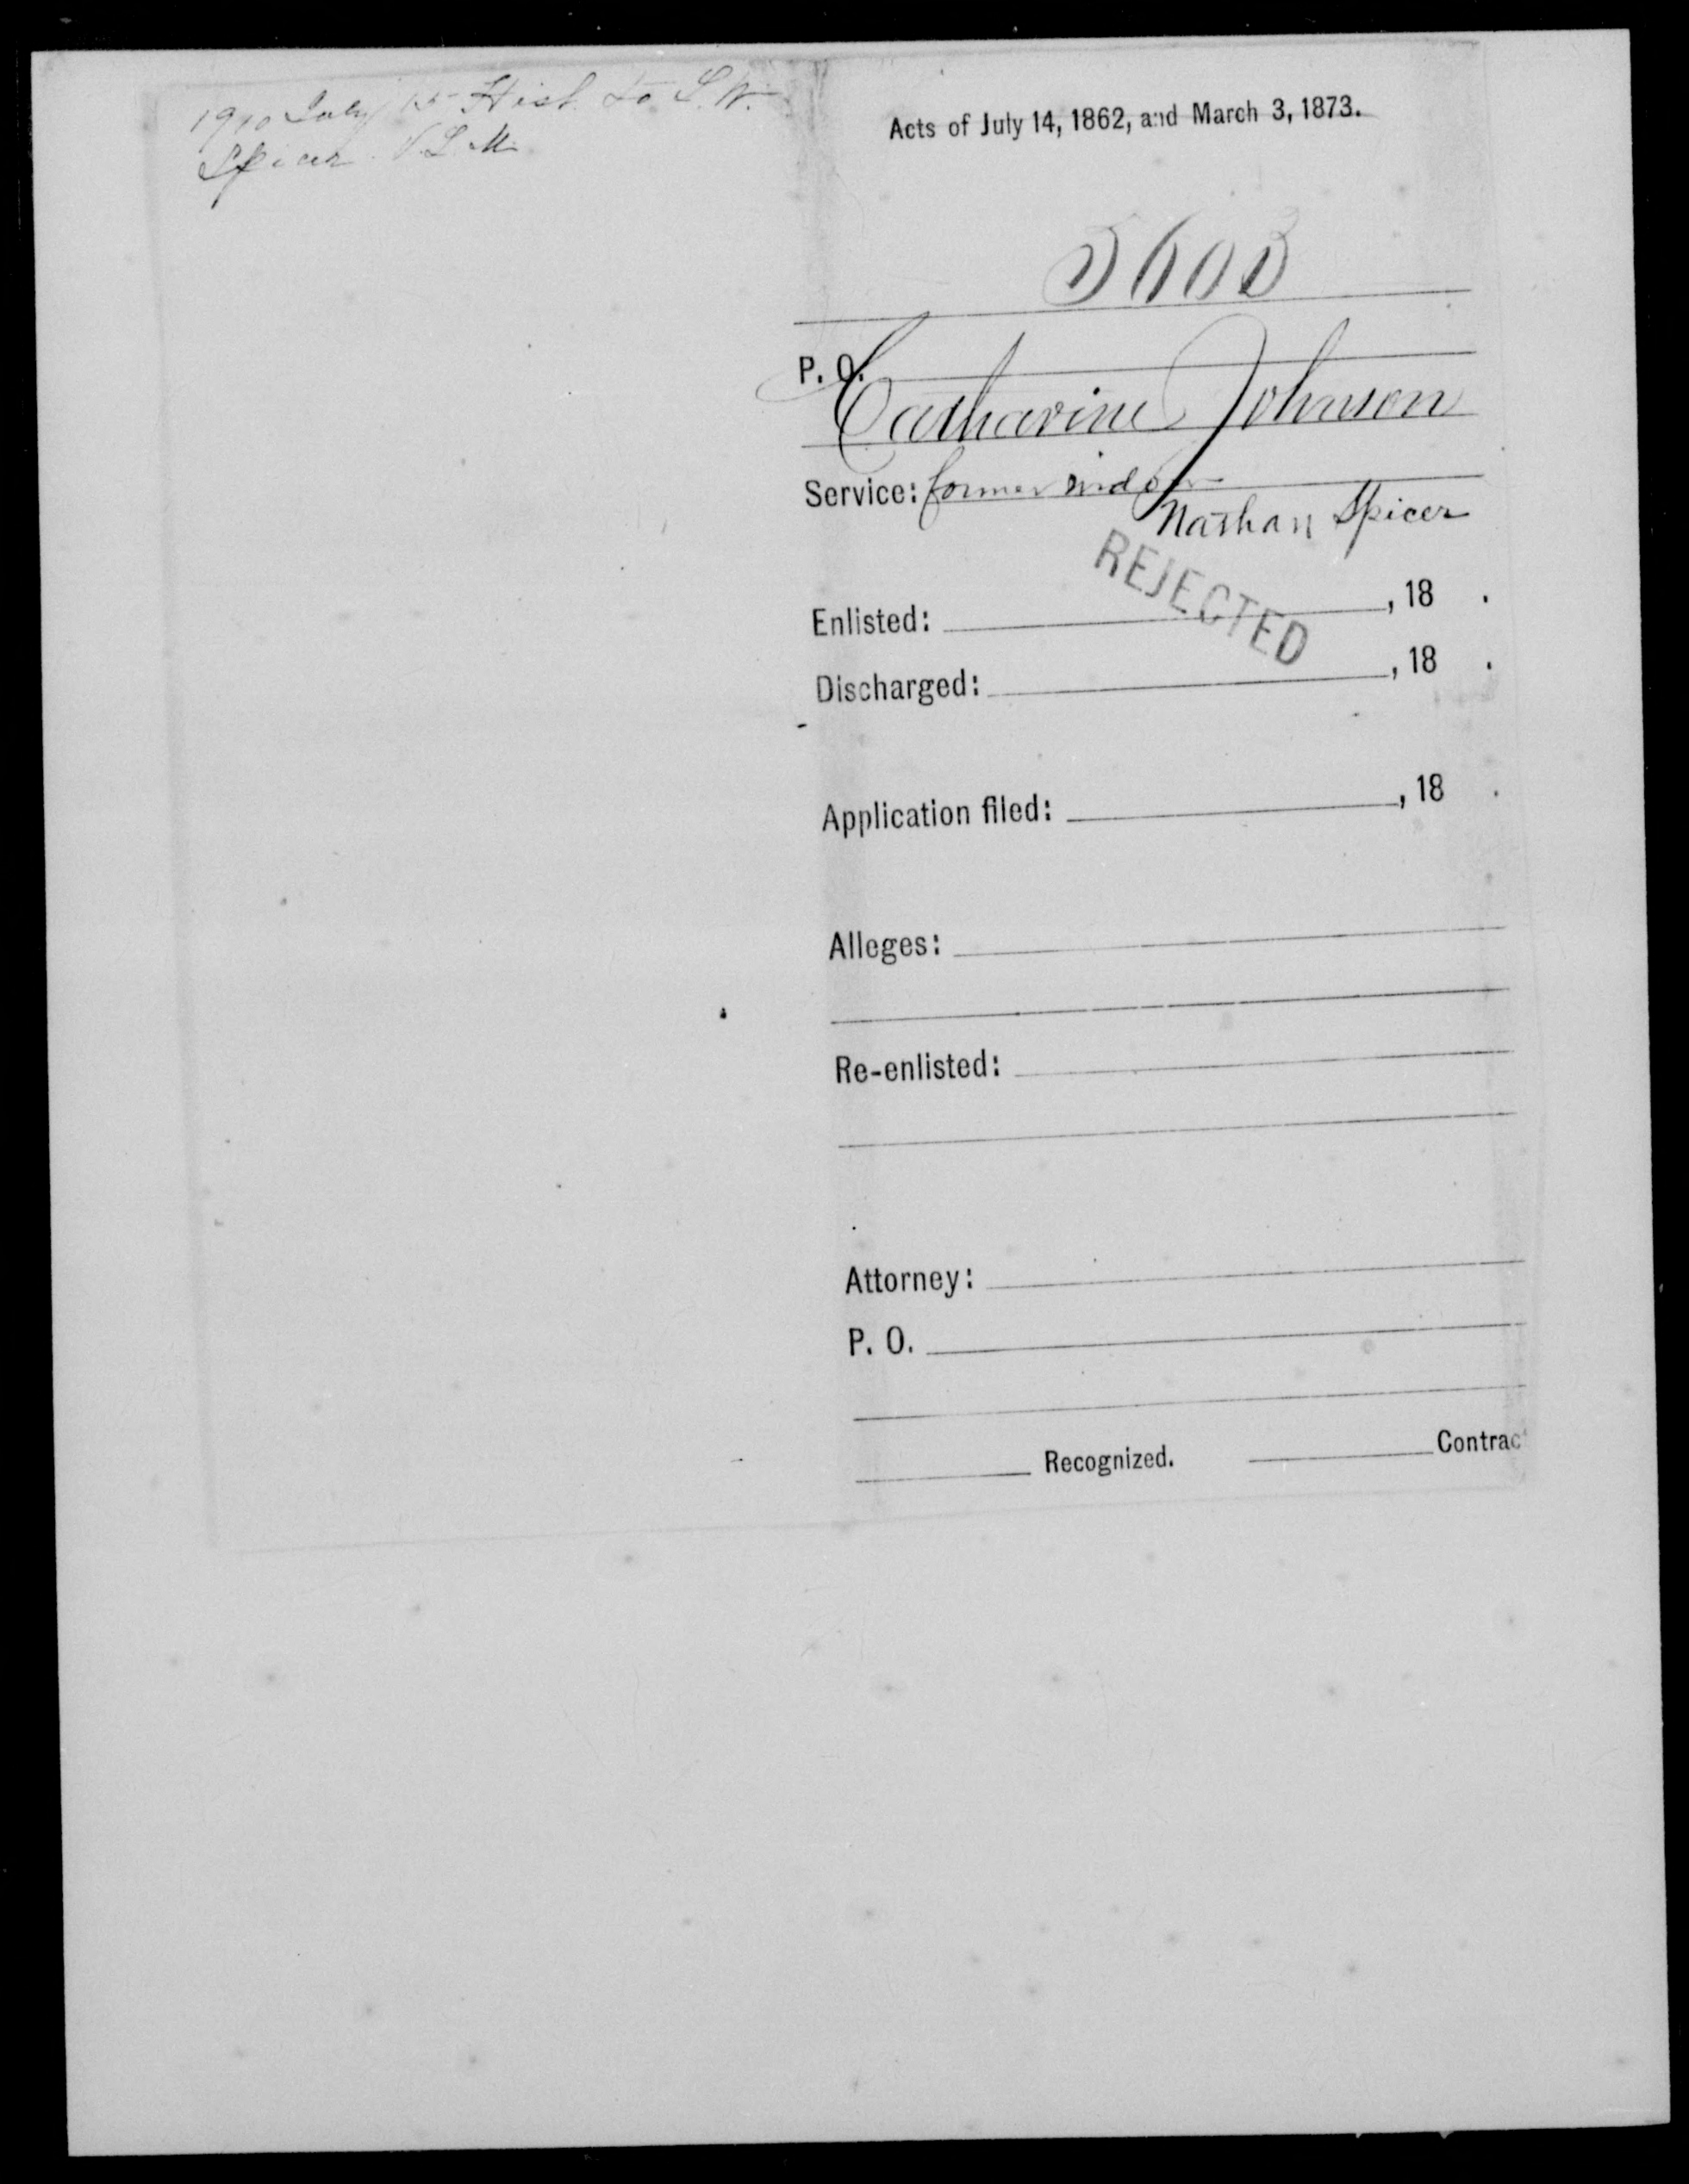Acts of July 14, 1862, and March 3, 1873.
5603
Catharine Johnson former widow Nathan Spicer
Rejected

1910 July 15 Hist. to L.W. Spicer, V. Lak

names: L W Spicer; Catharine Johnson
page: 10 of 33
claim: rejected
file: R. 5603, for Nathan Spicer, New York